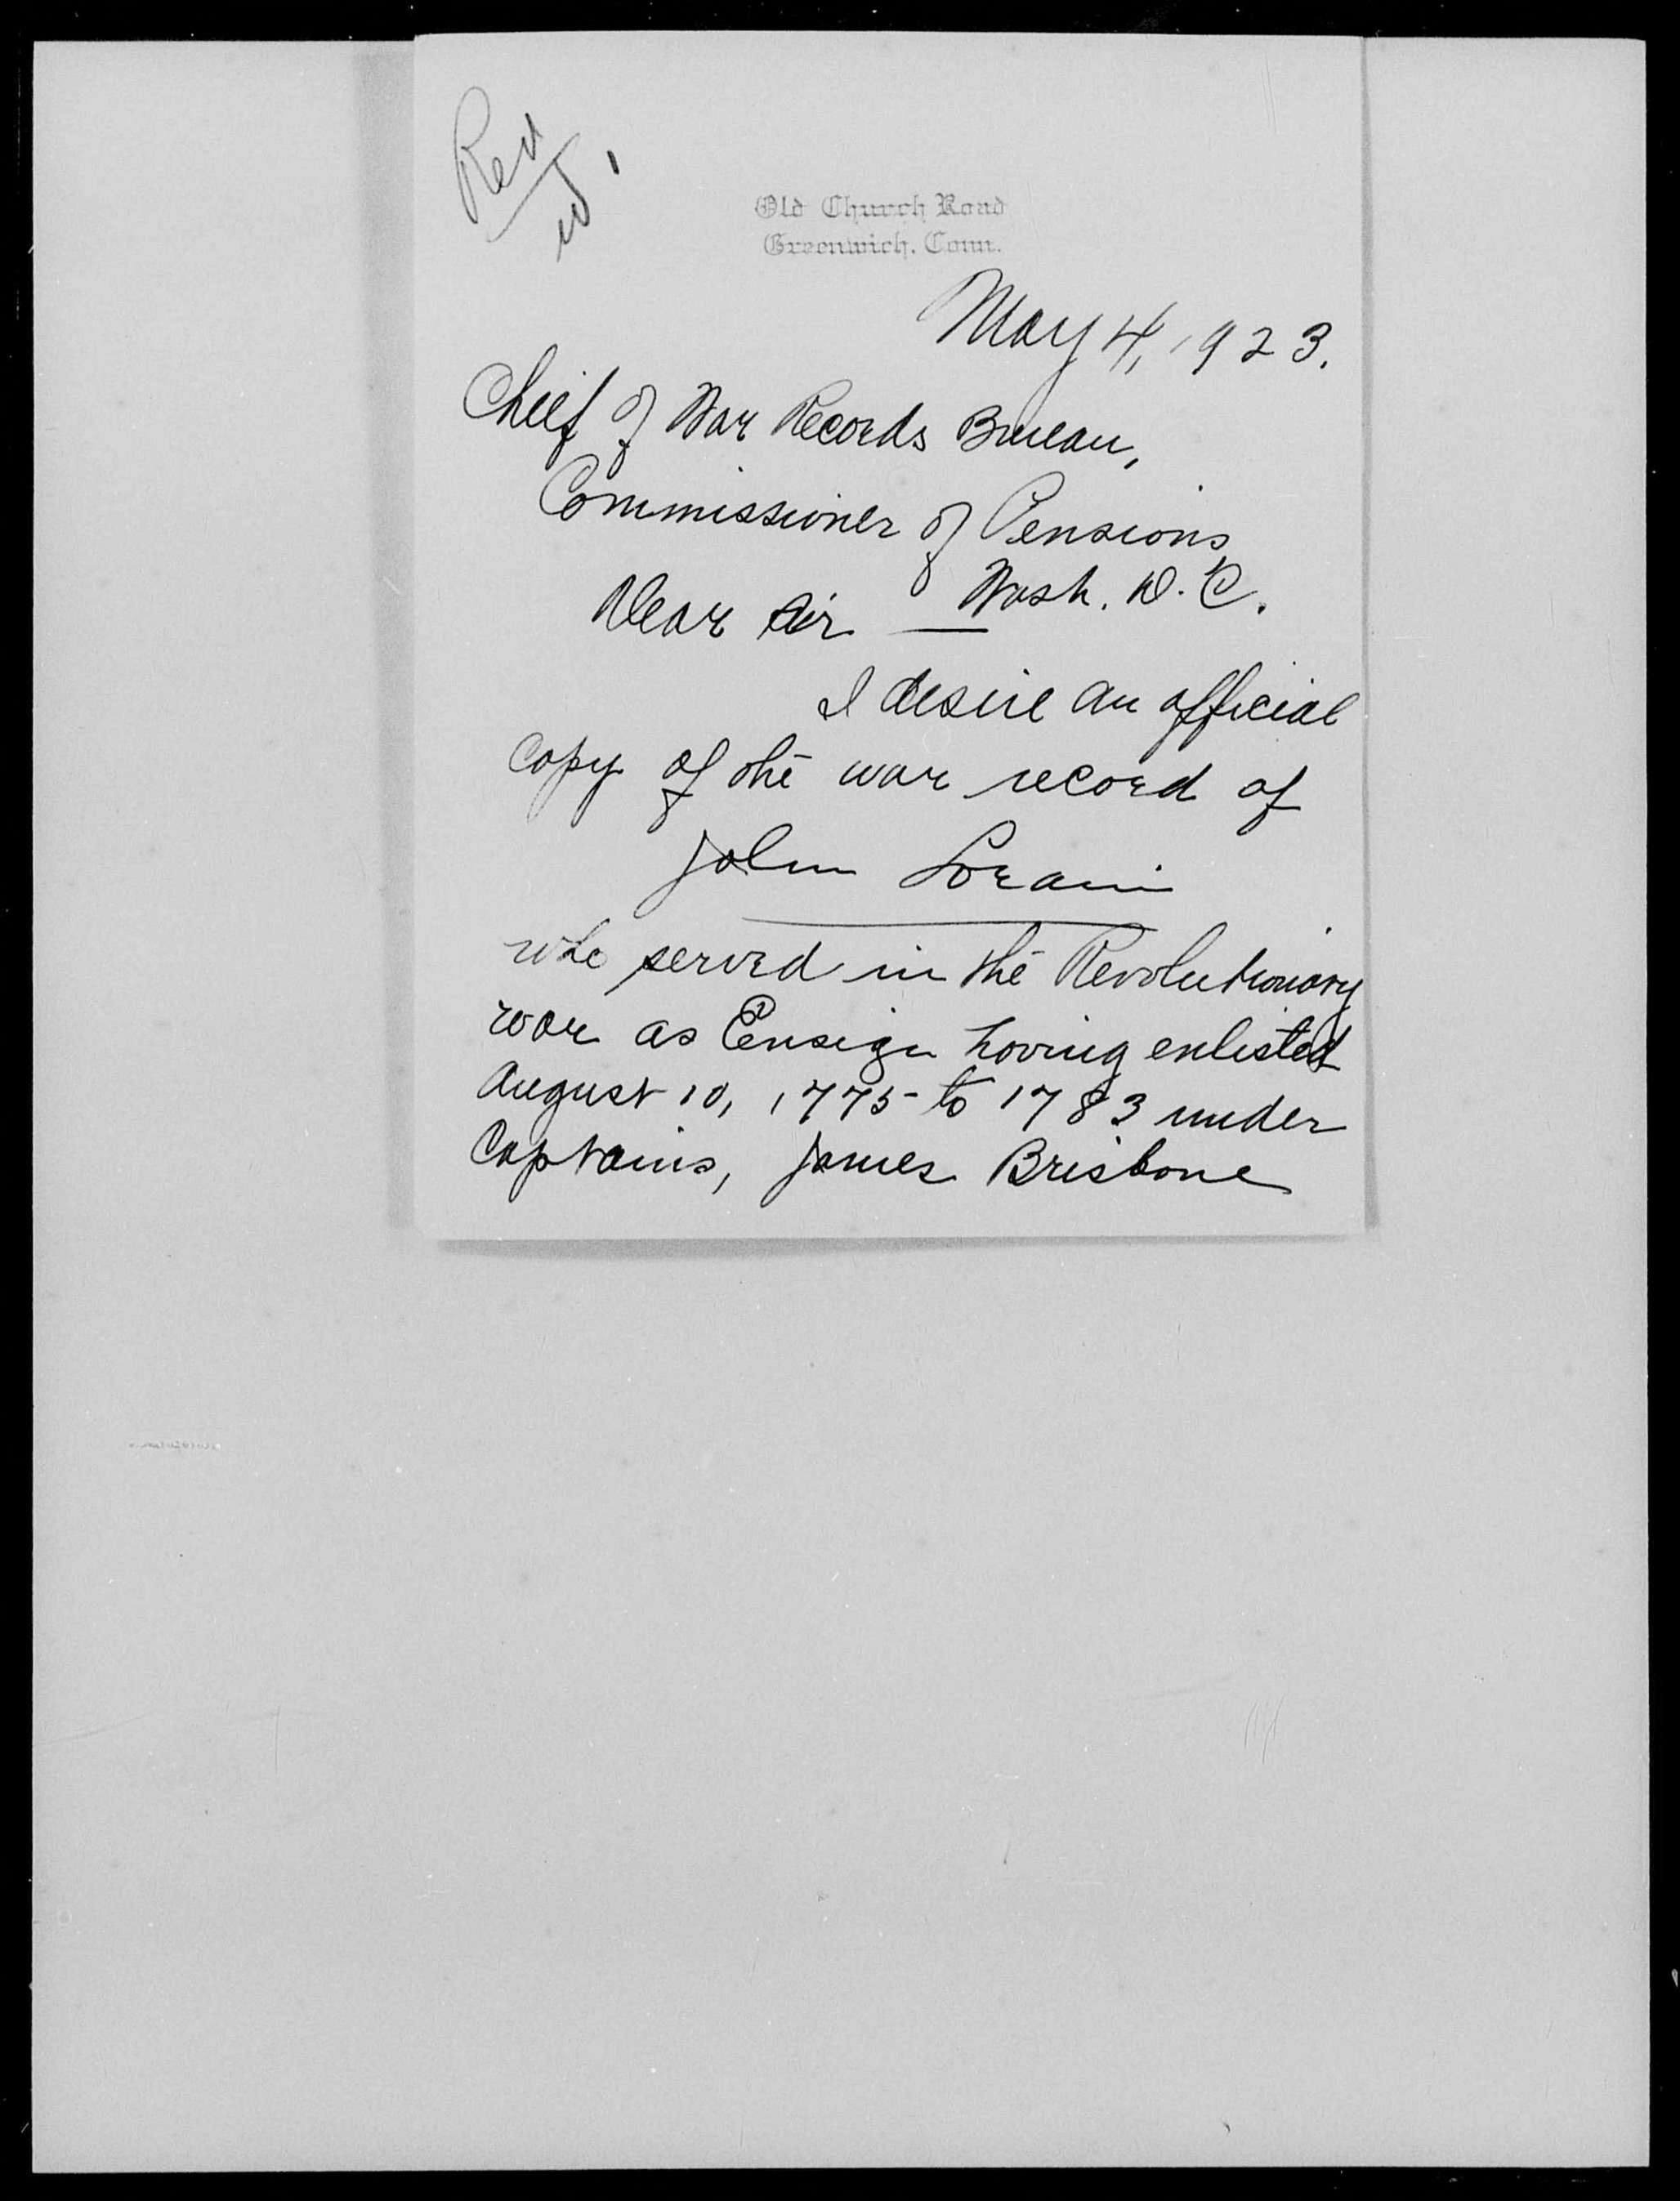[illegible]

Old Church Road
Greenwich, Conn.

May 4, 1923.

Chief of War Records Bureau,
Commissioner of Pensions
Wash. D.C.
Dear Sir - 
I desire an official copy of the war record of John Lorain who served in the Revolutionary war as Ensign having enlisted August 10, 1775 to 1783 under Captains, James Brisbone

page: 17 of 21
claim: survivor's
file: S. 40,098, for John Lorain, Pennsylvania